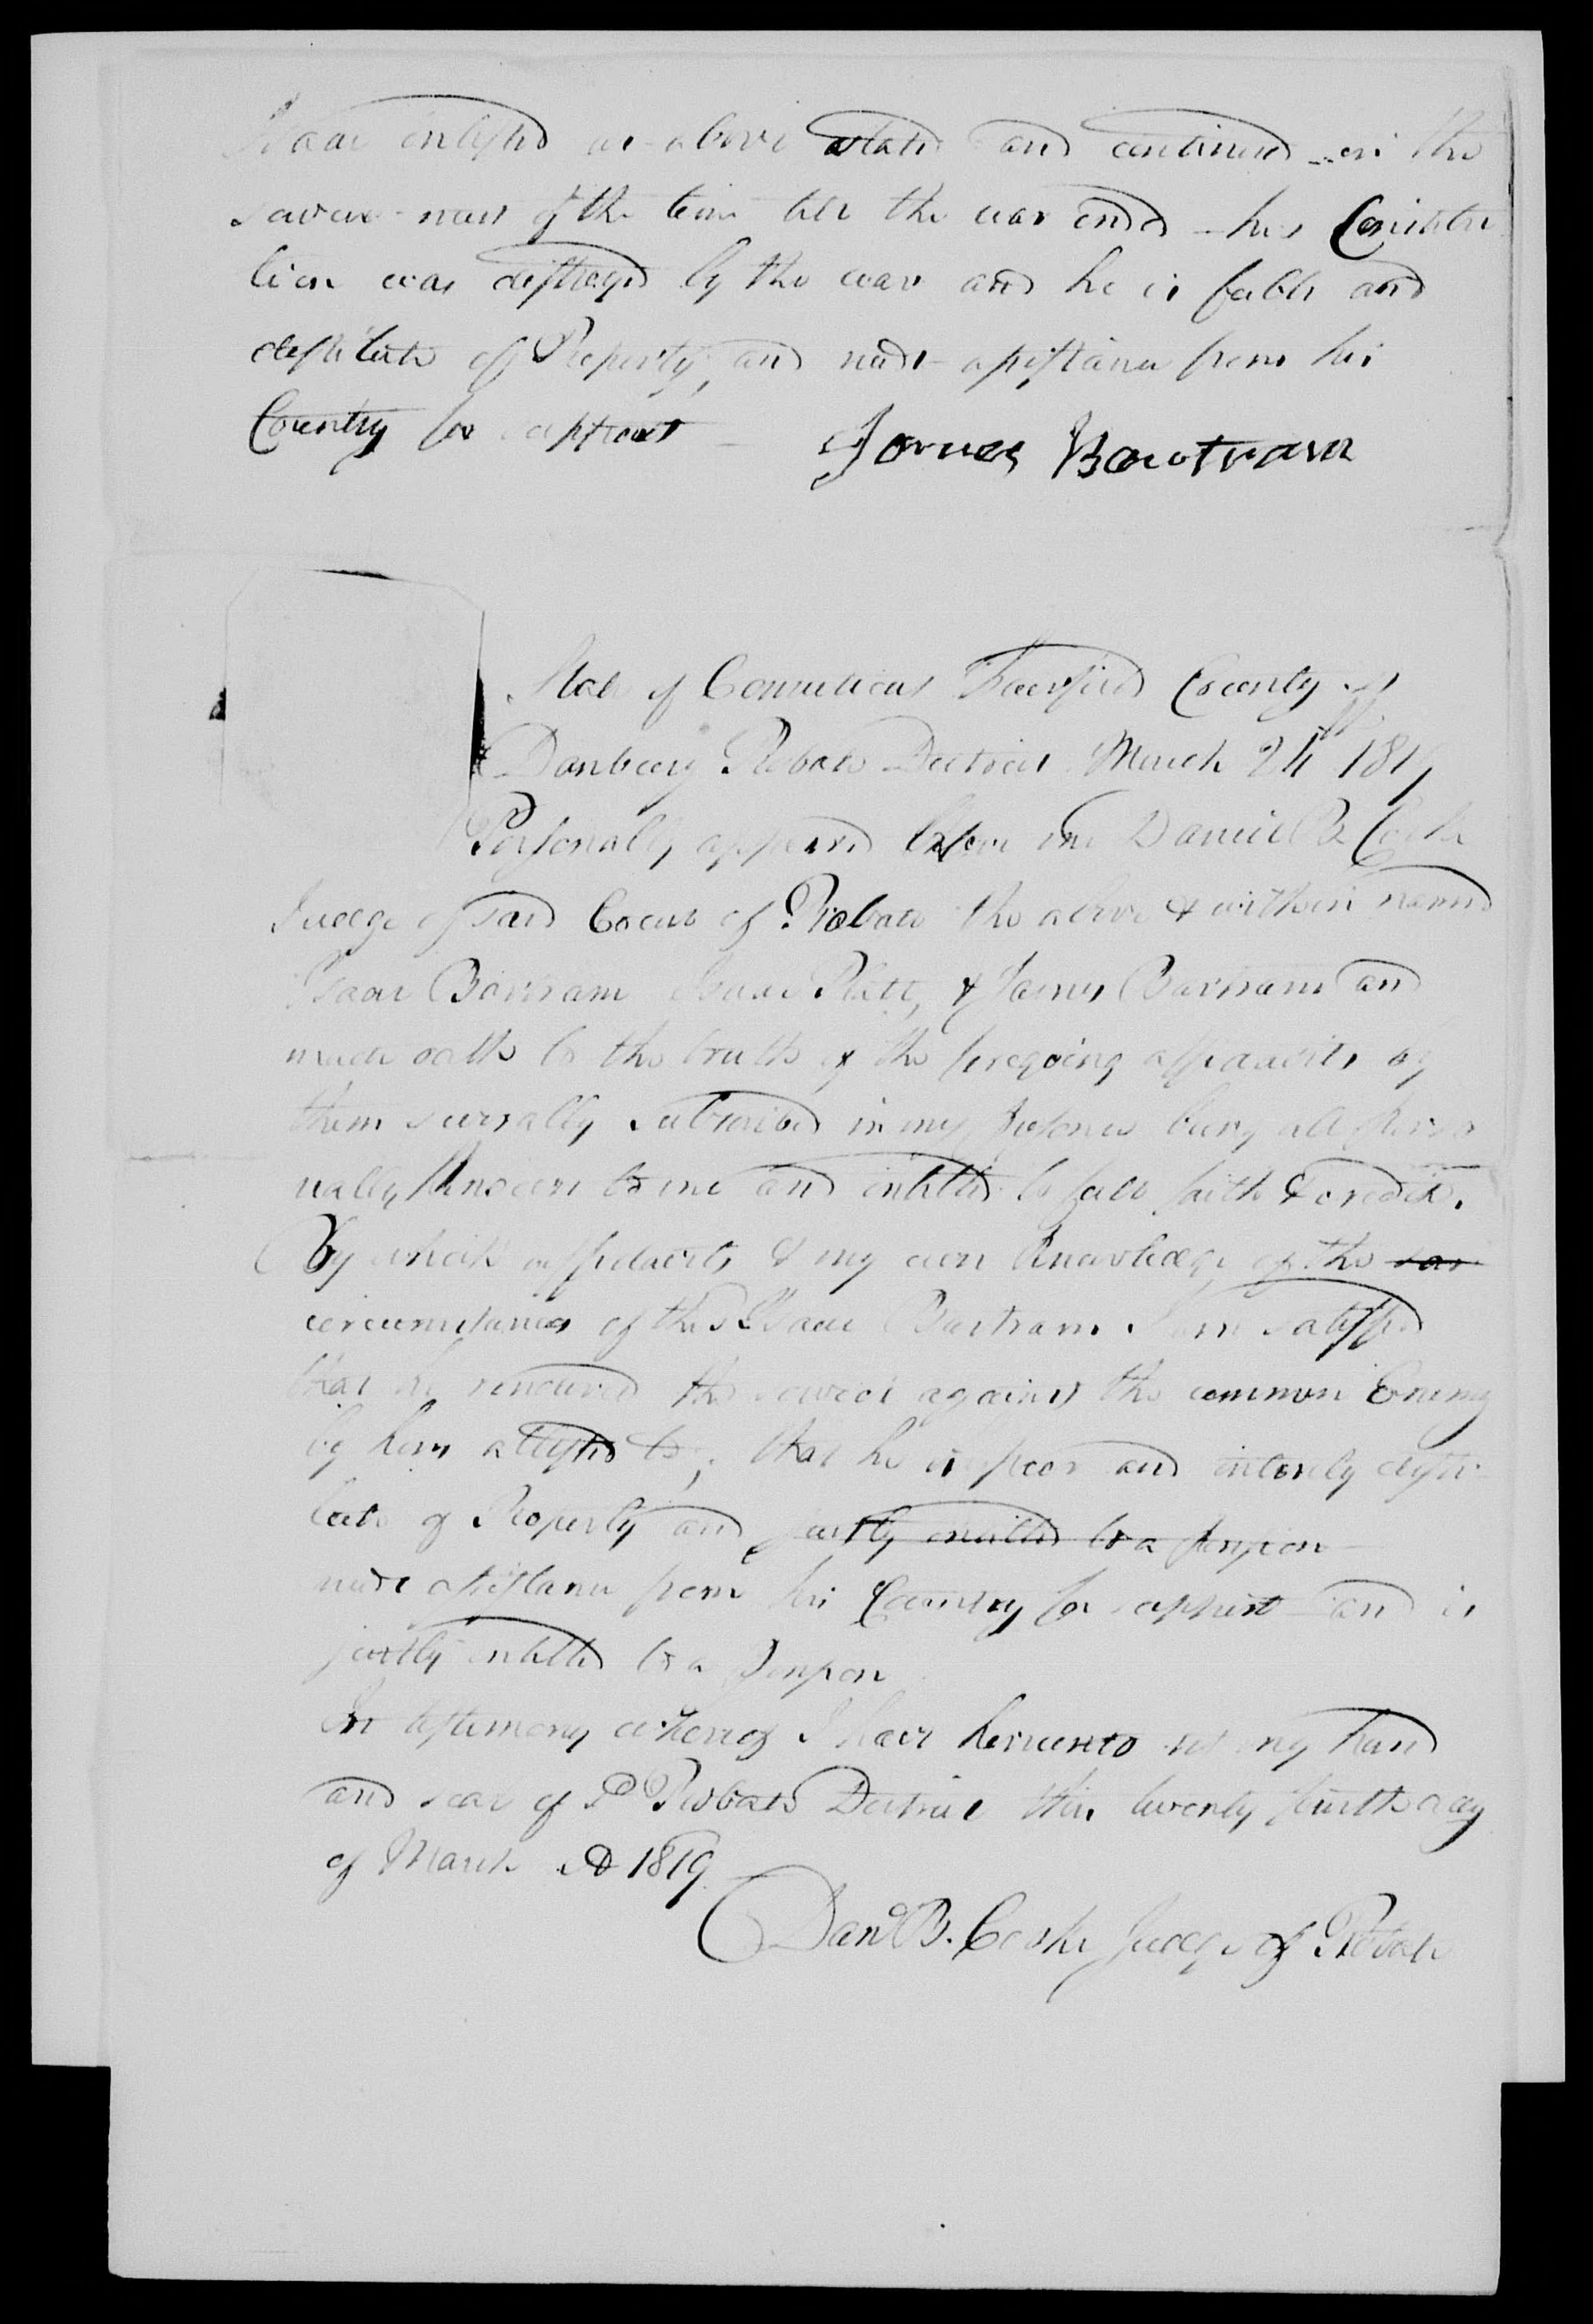Isaac enlisted as above stated and continued in the 
service [illegible] of the time [illegible] the war ended his contribution
was destroyed by the war and he is feeble and
destitute of Property and needs assistance from his
Country for support
James Bartram

State of Conneticut Fairfield County ss
Danbury Probate District  March 24 1819
Personally appeared before the Daniel B Cooke
Judge of said Court of Probate the above & within named
Isaac Bartram, Isaac Platt, & James Bartram and
made oath to the truth of the foregoing affidavits by
them severally subscribed in my presence [Illegible] [illegible] 
nally [illegible]  to me and intitled to full faith & credit.
by which affidavits & my own knowledge of the 
same
circumstances of the sd Isaac Bartram I am satisfied 
that is rendered the service  against the common Enemy
by him attested to that he is poor and interly distilate of property and partly entitled to a  pension
made [illegible] from his Country for [illegible] and is
[illegible] entitled to a pension 
In testimony whereof I have hereto set my hand
and seal of sd Probate District this twenty fourth day
of March AD 1819 
Danl B. Cooke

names: Isaac Platt, Isaac Bartram, James Bartram, James Bartram, Danl B Cooke, Isaac Bartram, Daniel B Cooke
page: 6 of 39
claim: survivor's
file: S. 12110, Isaac Bartram, Continental (Conn)